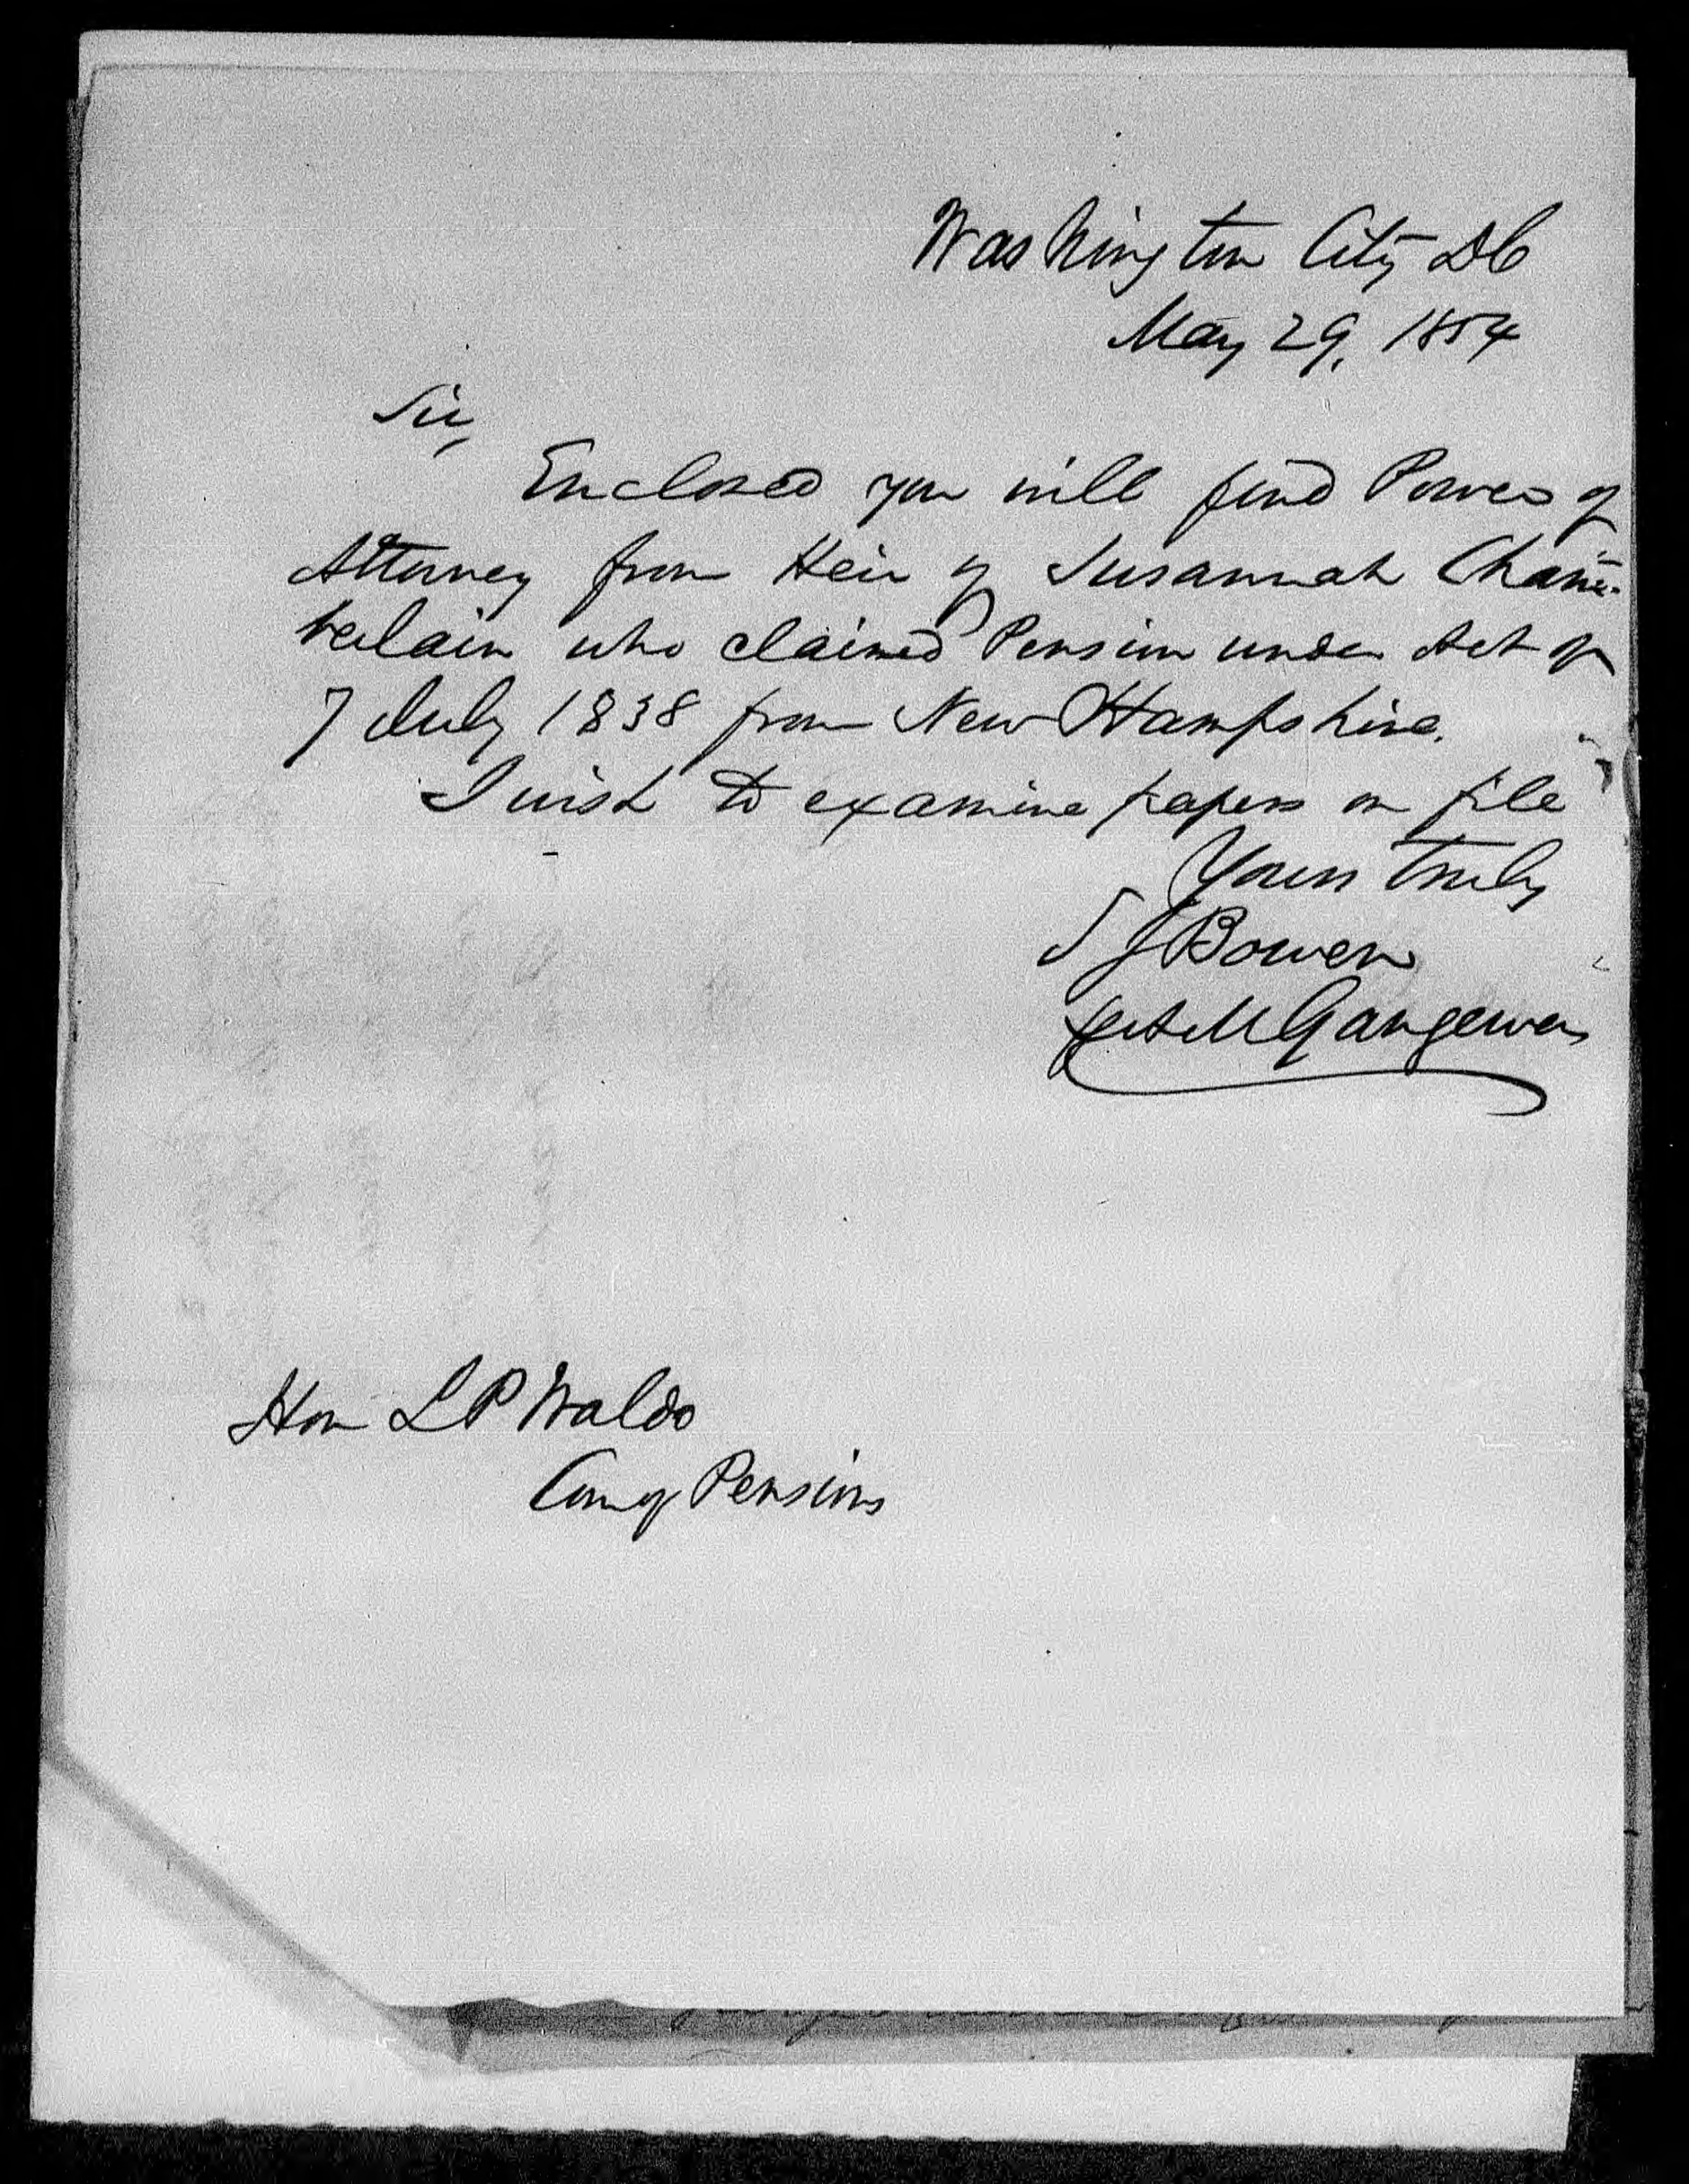Washinton City DC
May 29, 1854

Sir,
Enclosed you will find Power of
Attorney from Heir of Susannah Chamberlain
who claimed Pension under Act of
7 July 1838 from New Hampshire.
I wish to examine papers on file
Yours truly
S J Bowen
[illegible]

Hon L P Waldo
Com of Pensions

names: L P Waldo, Susannah Chamberlain, S J Bowen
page: 11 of 24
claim: rejected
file: R. 1835, Elisha Chamberlain, Mass.